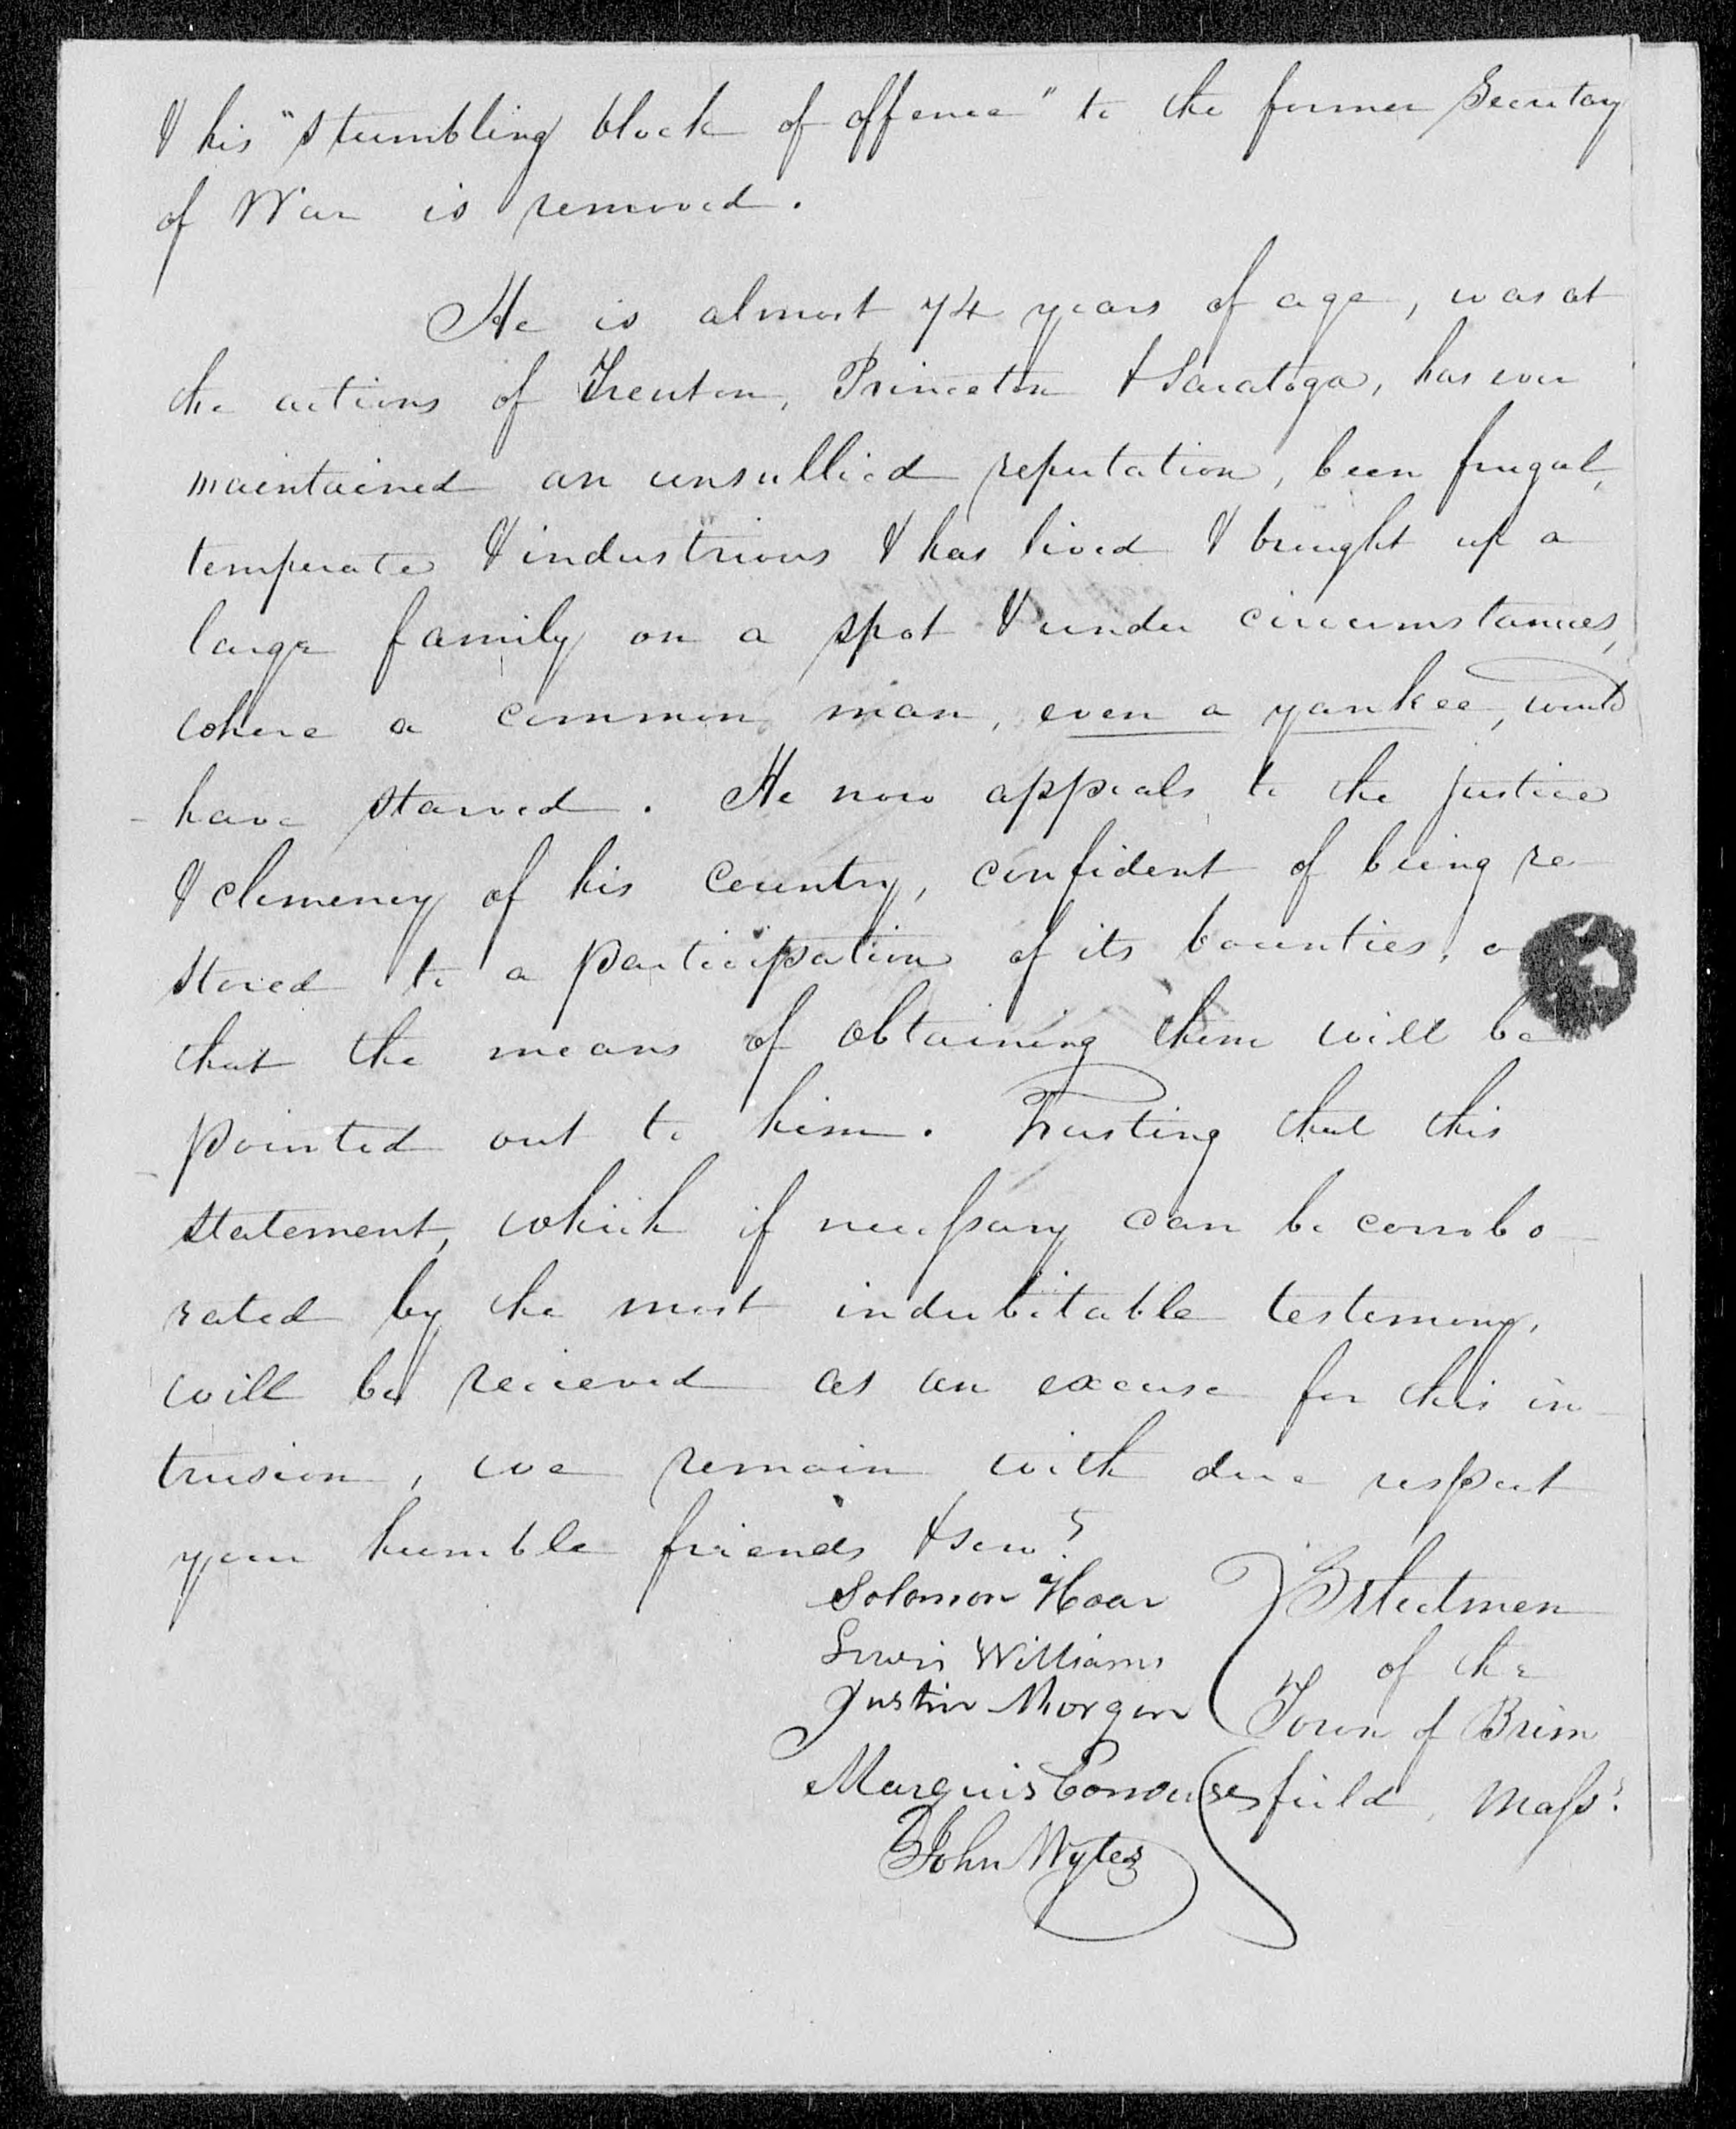his stumbling block of offence, to the former Secretary of War is removed

He is almost 74 years of age, was at the action of Trenton, Princeton & Saratoga, has ever
maintaned an unsullied reputation, been frugal
temperate & industrious & has lived & brought up a large family on a spot under circumstances where a common man, even a yankee would have (starved). . He now appeals to the Justice & clemency of his country, confident, of being restored to a participation of its bounties if that the means of obtaining them will printed out to him. Trusting that this
statement, which if necessary can be [illegible] by the most indubitable testimony will be received as an excuse for the intrusion; we remain with due respect
your humble friends, & [illegible]
⎬
Solomon Hoar
Lewis Williams
Justice Morgan
Marquis Congerfield,
John Wyles
Selectmen of the Town of Brimfield Mass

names: Solomon Hoar, John Wyles, Justin Morgan, Lewis Williams, Marquis Converse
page: 29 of 31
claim: survivor's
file: S. 34,839, Thomas Fay, Mass.